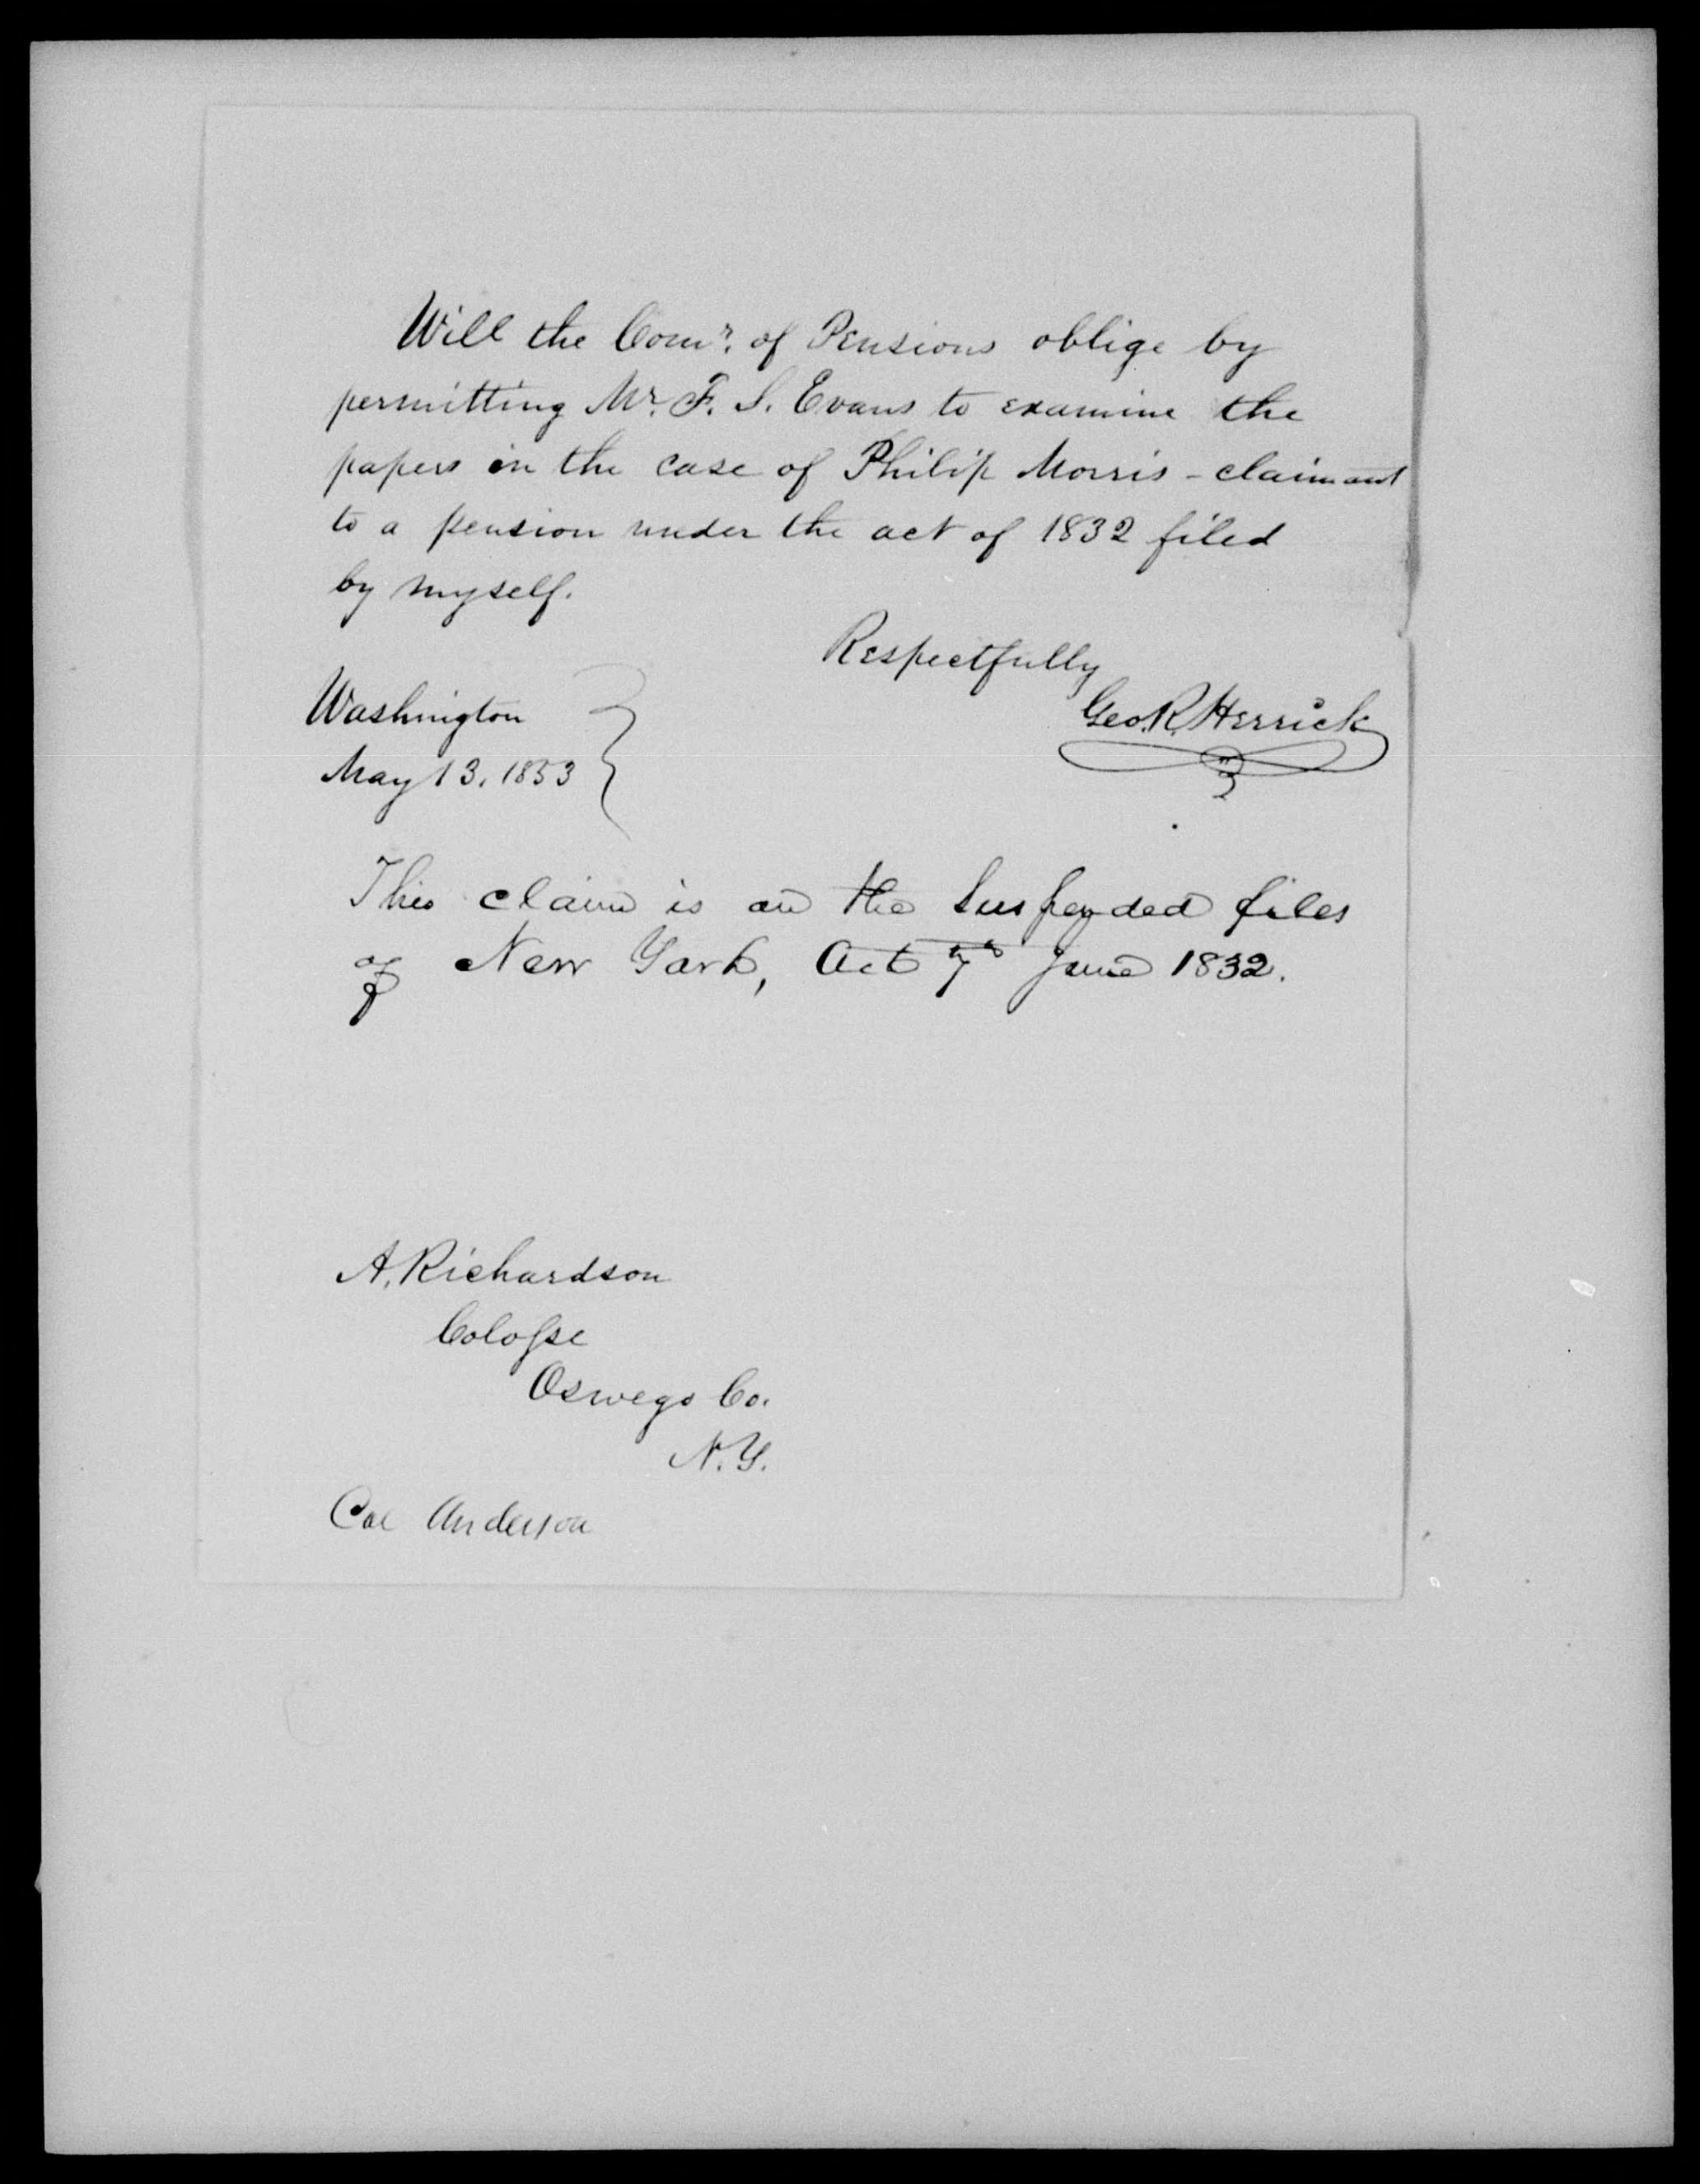Will the Court of Pensions oblige by
permitting Mr. F. I. Evans to examine the
papers in the case of Philip Morris -claimant 
to a pension under the act of 1832 filed 
by myself

Respectfully
Geo. R Herrick

Washington
May 13, 1853

This claim is on the Suspended filed
of New York, Act 7th June 1832.

A. Richardson
colosse
Oswego Co.
N. Y.

Col Anderson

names: A Richardson; Philip Morris; [BLANK] Anderson; F S Evans; Geo R Herrick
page: 19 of 44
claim: survivor's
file: S. 28,815, for Philip Morris, Rhode Island